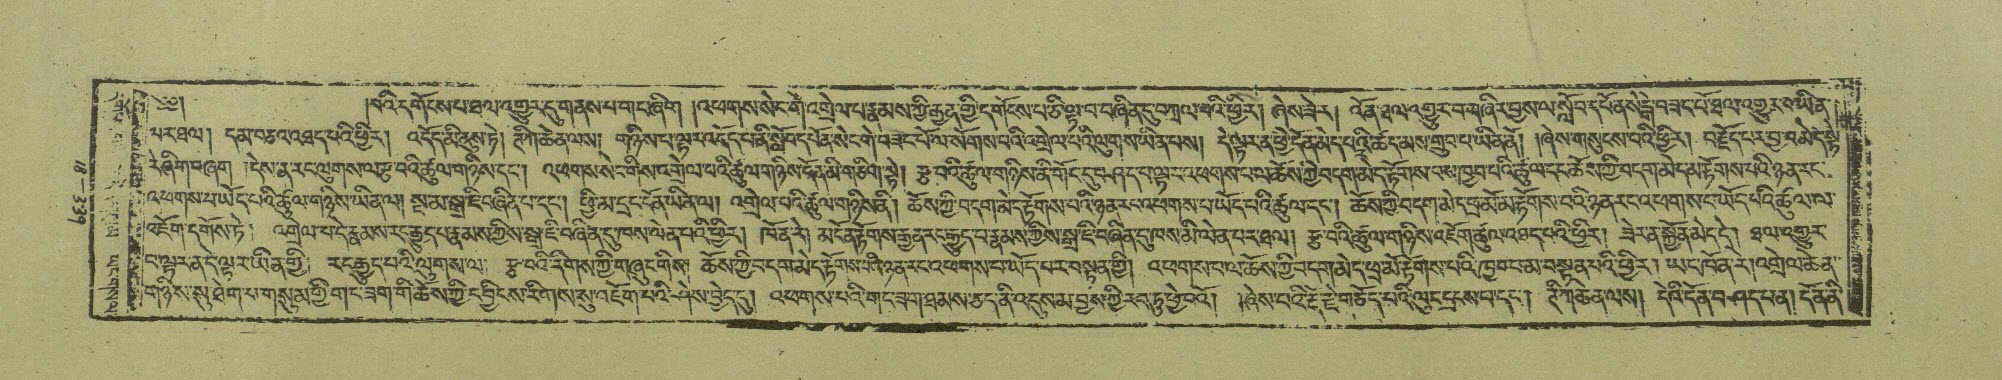༄༅། །བའི་དགོངས་པ་ཐལ་འགྱུར་དུ་གནས་པ་གང་ཞིག །འཕགས་སེང་གི་འགྲེལ་པ་རྣམས་ཀྱི་རྒྱན་གྱི་དགོངས་པ་ཅི་ལྟ་བ་བཞིན་དུ་བཀྲལ་བའི་ཕྱིར། ཞེས་ཟེར། འོ་ན་ཐལ་འགྱུར་བ་གཞིར་བྱས་ལ་སློབ་དཔོན་སེངྒེ་བཟང་པོ་ཐལ་འགྱུར་བ་ཡིན། །
པར་ཐལ། དམ་བཅའ་འཐད་པའི་ཕྱིར། འདོད་མི་ནུས་ཏེ། ཊིཀ་ཆེན་ལས། གཉིས་པ་ལྟར་འདོད་པ་ནི་སློབ་དཔོན་སེང་གེ་བཟང་པོ་ལ་སོགས་པའི་འགྲེལ་བའི་ལུགས་ཡིན་པས། དེ་ལྟར་ན་ཕྱི་དོན་མེད་པའི་ཚད་མས་གྲུབ་པ་ཡིན་ནོ། །ཞེས་གསུངས་པའི་ཕྱིར། བརྗོད་པར་བྱ་བ་མང་སྟེ་
རེ་ཞིག་བཞག །དེས་ན་རང་ལུགས་ལ་རྩ་བའི་ཚུལ་གཉིས་དང་། འཕགས་སེང་གིས་འགྲེལ་བའི་ཚུལ་གཉིས་དོན་མི་གཅིག་སྟེ། རྩ་བའི་ཚུལ་གཉིས་ནི་གོང་དུ་བཤད་བ་ལྟར་འཕགས་པ་ལ་ཆོས་ཀྱི་བདག་མེད་རྟོགས་པས་ཁྱབ་པའི་ཚུལ་དང་ཆོས་ཀྱི་བདག་མེད་མ་རྟོགས་པའི་ཉན་རང་
འཕགས་པ་ཡོད་པའི་ཚུལ་གཉིས་ཡིན་ལ། སྔ་མ་སྒྲ་ཇི་བཞིན་པ་དང་། ཕྱི་མ་དྲང་དོན་ཡིན་ལ། འགྲེལ་བའི་ཚུལ་གཉིས་ནི། ཆོས་ཀྱི་བདག་མེད་རྟོགས་པའི་ཉན་རང་འཕགས་པ་ཡོད་པའི་ཚུལ་དང་། ཆོས་ཀྱི་བདག་མེད་ཕྲ་མོ་མ་རྟོགས་པའི་ཉན་རང་འཕགས་པ་ཡོད་པའི་ཚུལ་ལ་
འཇོག་དགོས་ཏེ། འགྲེལ་པ་དེ་རྣམས་རང་རྒྱུད་པ་རྣམས་ཀྱིས་སྒྲ་ཇི་བཞིན་དུ་ཁས་ལེན་པའི་ཕྱིར། ཁོ་ན་རེ། མངོན་རྟོགས་རྒྱན་རང་རྒྱུད་པ་རྣམས་ཀྱིས་སྒྲ་ཇི་བཞིན་དུ་ཁས་མི་ལེན་པར་ཐལ། རྩ་བའི་ཚུལ་གཉིས་འཇོག་ཚུལ་འཐད་པའི་ཕྱིར། ཟེར་ན་སྐྱོན་མེད་དེ། ཐལ་འགྱུར་
བ་ལྟར་ན་དེ་ལྟར་ཡིན་གྱི། རང་རྒྱུད་པའི་ལུགས་ལ། རྩ་བའི་རིགས་ཀྱི་གཞུང་གིས། ཆོས་ཀྱི་བདག་མེད་རྟོགས་པའི་ཉན་རང་འཕགས་པ་ཡོད་པར་བསྟན་གྱི། འཕགས་པ་ལ་ཆོས་ཀྱི་བདག་མེད་ཕྲ་མོ་རྟོགས་པའི་ཁྱབ་པ་མ་བསྟན་པའི་ཕྱིར། ཡང་ཁོ་ན་རེ། འགྲེལ་ཆེན་
གཉིས་སུ་ཐེག་པ་གསུམ་གྱི་གང་ཟག་གི་ཆོས་ཀྱི་དབྱིངས་རིགས་སུ་འཇོག་པའི་ཤེས་བྱེད་པ། འཕགས་པའི་གང་ཟག་ཐམས་ཅད་ནི་འདུས་མ་བྱས་ཀྱི་རབ་ཏུ་ཕྱེ་བའོ། །ཞེས་པའི་རྡོ་རྗེ་གཙོད་པའི་ལུང་དྲངས་པ་དང་། ཊིཀ་ཆེན་ལས། དེའི་དོན་བཤད་པ་ན། དོན་ནི་